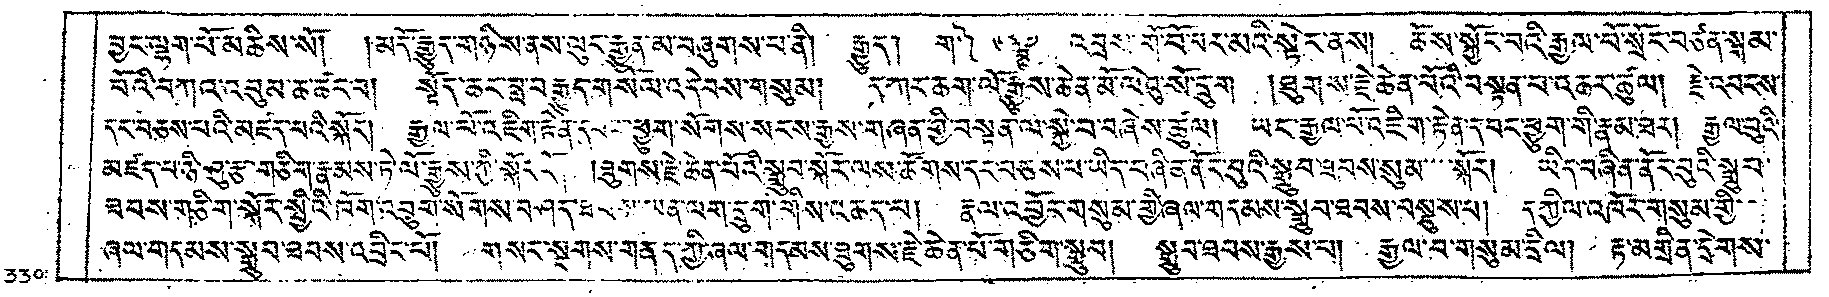བྱང་ལྷག་པོ་མཆིས་སོ། །མདོ་རྒྱུད་གཉིས་ནས་ལུང་རྒྱུན་མ་བཞུགས་པ་ནི། རྒྱུད། ག྄ ༤༣༧་བ ༤་འབྲས་གོ་བོ་པར་མའི་སྟེང་ནས། ཆོས་སྐྱོང་བའི་རྒྱལ་པོ་སྲོང་བཙན་སྒམ་
པོའི་བཀའ་འབུམ་ཆ་ཚང་བ། སྟོད་ཆར་བླ་བརྒྱུད་གསོལ་འདེབས་གསུམ། དཀར་ཆག་ལོ་རྒྱུས་ཆེན་མོ་ལེའུ་སོ་དྲུག །ཐུགས་རྗེ་ཆེན་པོའི་བསྟན་པ་འཆར་ཚུལ། རྗེ་འབངས་
དང་བཅས་པའི་མཛད་པའི་སྐོར། རྒྱལ་པོ་འཇིག་རྟེན་དབང་ཕྱུག་སོགས་སངས་རྒྱས་གཞན་གྱི་བསྟན་ལ་སྐྱེ་བ་བཞེས་ཚུལ། ཡང་རྒྱལ་པོ་འཇིག་རྟེན་དབང་ཕྱུག་གི་རྣམ་ཐར། རྒྱལ་བུའི་
མཛད་པ་ཉི་ཤུ་རྩ་གཅིག་རྣམས་ཏེ་ལོ་རྒྱུས་ཀྱི་སྐོར་རོ། །ཐུགས་རྗེ་ཆེན་པོའི་སྒྲུབ་སྐོར་ལས་ཚོགས་དང་བཅས་པ་ཡིད་བཞིན་ནོར་བུའི་སྒྲུབ་ཐབས་སུམ་སྐོར། ཡིད་བཞིན་ནོར་བུའི་སྒྲུབ་
ཐབས་གཅིག་སྐོར་སྤྱིའི་ཁོག་འབུག་སོགས་བཤད་ཐབས་ཡན་ལག་དྲུག་གིས་འཆད་པ། རྣལ་འབྱོར་གསུམ་གྱི་ཞལ་གདམས་སྒྲུབ་ཐབས་བསྡུས་པ། དཀྱིལ་འཁོར་གསུམ་གྱི་
ཞལ་གདམས་སྒྲུབ་ཐབས་འབྲིང་པོ། གསང་སྔགས་གནད་ཀྱི་ཞལ་གདམས་ཐུགས་རྗེ་ཆེན་པོ་གཅིག་སྒྲུབ། སྒྲུབ་ཐབས་རྒྱས་པ། རྒྱལ་བ་གསུམ་དྲིལ། རྟ་མགྲིན་དྲེགས་